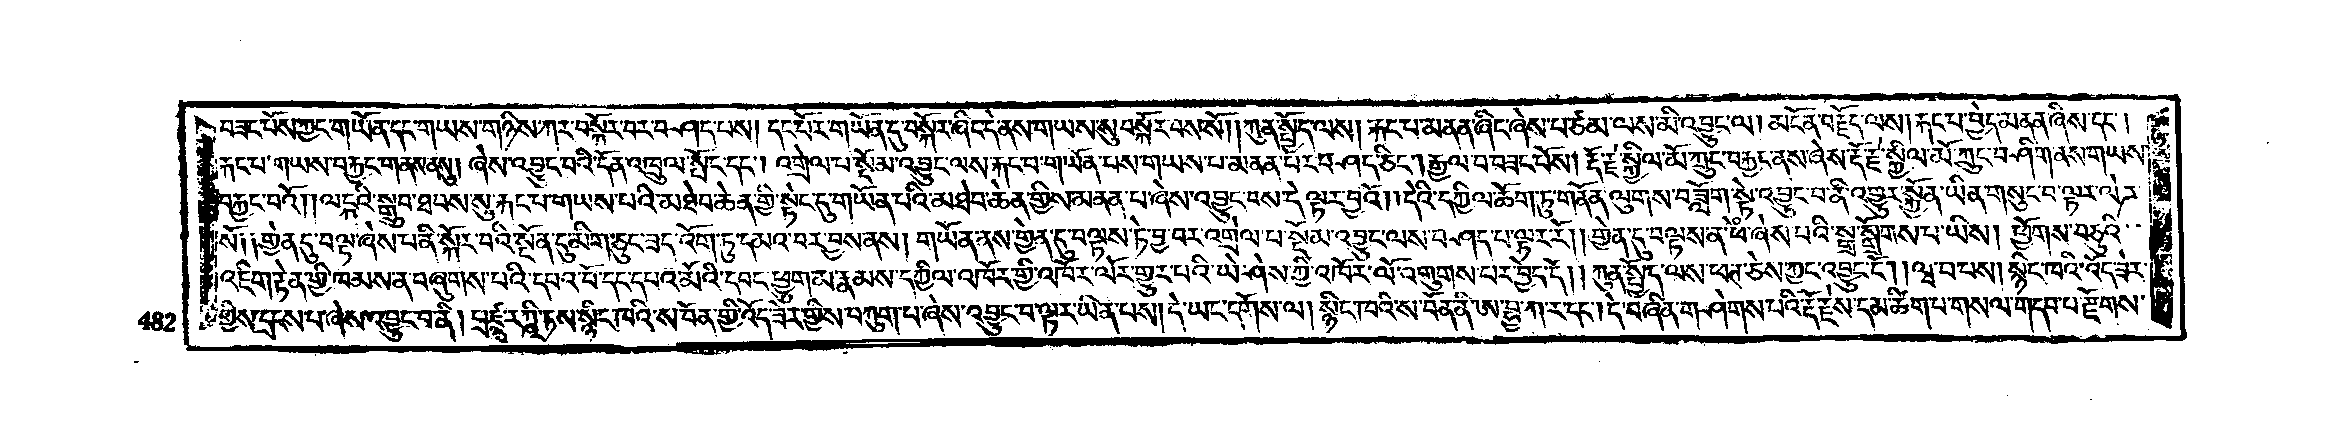བཟང་པོས་ཀྱང་གཡོན་དང་གཡས་གཉིས་ཀར་བསྐོར་བར་བཤད་པས། དང་པོར་གཡོན་དུ་བསྐོར་ཞིང་དེ་ནས་གཡས་སུ་བསྐོར་བས་སོ། །ཀུན་སྤྱོད་ལས། རྐང་པ་མནན་ཞིང་ཞེས་པ་ཙམ་ལས་མི་འབྱུང་ལ། མངོན་བརྗོད་ལས། རྐང་པ་ཕྱེད་མནན་ཞེས་དང་།
རྐང་གཡས་བརྐྱང་གནས་ནས་སུ། ཞེས་འབྱུང་བའི་དོན་འཁྲུལ་སྤོང་དང་། འགྲེལ་པ་སྡོམ་འབྱུང་ལས་རྐང་པ་གཡོན་པས་གཡས་པ་མནན་པར་བཤད་ཅིང་། རྒྱལ་བ་བཟང་པོས། རྡོ་རྗེ་སྐྱིལ་མོ་ཀྲུང་བརྐྱང་ནས་ཞེས་རྡོ་རྗེ་སྐྱིལ་མོ་ཀྲུང་བཞིག་ནས་གཡས་
བརྐྱང་བའོ། །ལངྐའི་སྒྲུབ་ཐབས་སུ་རྐང་པ་གཡས་པའི་མཐེབ་ཆེན་གྱི་སྟེང་དུ་གཡོན་པའི་མཐེབ་ཆེན་གྱིས་མནན་པ་ཞེས་འབྱུང་བས་དེ་ལྟར་བྱའོ། །དེའི་དཀྱིལ་ཆོག་ཏུ་གནོན་ལུགས་བཟློག་སྟེ་འབྱུང་བ་ནི་འགྱུར་སྐྱོན་ཡིན་གསུང་བ་ལྟར་ལེགས་
སོ། །གྱེན་དུ་བལྟ་ཞེས་པ་ནི་སྐོར་བའི་སྔོན་དུ་མིག་ཅུང་ཟད་འོག་ཏུ་དམའ་བར་བྱས་ནས། གཡོན་ནས་གྱེན་དུ་བལྟས་ཏེ་བྱ་བར་འགྲེལ་པ་སྡོམ་འབྱུང་ལས་བཤད་པ་ལྟར་རོ། །གྱེན་དུ་བལྟས་ན་ཕེཾ་ཞེས་པའི་སྒྲ་སྒྲོགས་པ་ཡིས། ཕྱོགས་བཅུའི་
འཇིག་རྟེན་གྱི་ཁམས་ན་བཞུགས་པའི་དཔའ་བོ་དང་དཔའ་མོའི་དབང་ཕྱུག་མ་རྣམས་དཀྱིལ་འཁོར་གྱི་འཁོར་ལོར་གྱུར་པའི་ཡེ་ཤེས་ཀྱི་འཁོར་ལོ་འགུགས་པར་བྱེད་དོ། །ཀུན་སྤྱོད་ལས་ཕཊ་ཅེས་ཀྱང་འབྱུང་ངོ། །ལྭ་བ་པས། སྙིང་ཁའི་འོད་ཟེར་
གྱིས་དྲངས་པ་ཞེས་འབྱུང་བ་ནི། པྲཛྙཱ་རཀྵི་ཏས་སྙིང་ཁའི་ས་བོན་གྱི་འོད་ཟེར་གྱིས་བཀུག་པ་ཞེས་འབྱུང་བ་ལྟར་ཡིན་པས། དེ་ཡང་དགོས་ལ། སྙིང་ཁའི་ས་བོན་ནི་ཨ་བྷྱ་ཀ་ར་དང་། དེ་བཞིན་གཤེགས་པའི་རྡོ་རྗེས་དམ་ཚིག་པ་གསལ་གདབ་པ་རྫོགས་